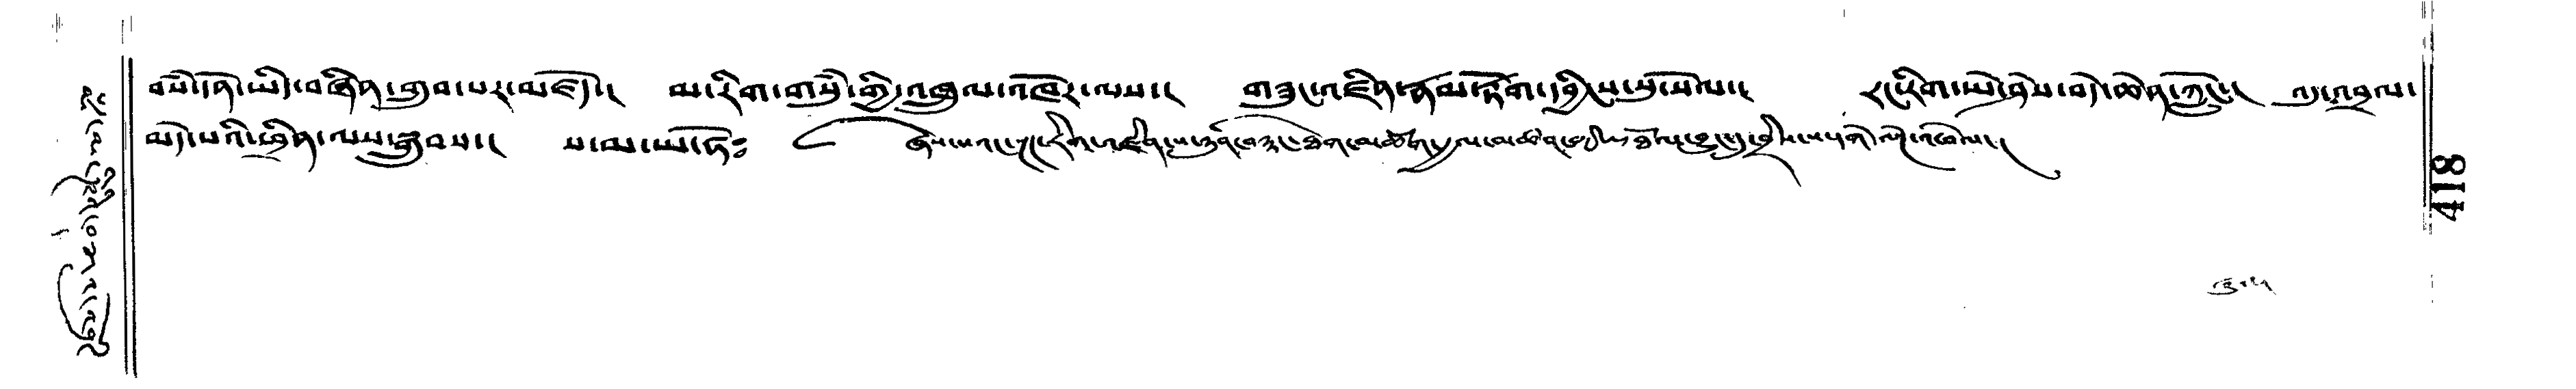།བསམ་དོན་ཡིད་བཞིན་འགྲུབ་པར་མཛོད། །མ་རིག་གསུམ་གྱི་འཁྲུལ་འཁོར་ལས། །གཟུང་འཛིན་རྣམ་རྟོག་དབྱིངས་སུ་གསོལ། །རང་རིག་ཡེ་ཤེས་བདེ་ཆེན་ཀློང་། །འདུ་འབྲལ་
མེད་པའི་ཕྲིན་ལས་སྒྲུབས། ས་མ་ཡ་ཧོཿ ཞེས་པའང་སྔགས་རིག་འཛིན་པ་ཀུན་བཟང་ཐེག་མཆོག་རྒྱལ་མཚན་གྱིས་ཐོལ་བྱུང་དུ་བྲིས་པ་དགེ་ལེགས་འཕེལ།། ཞུས་སོ།།